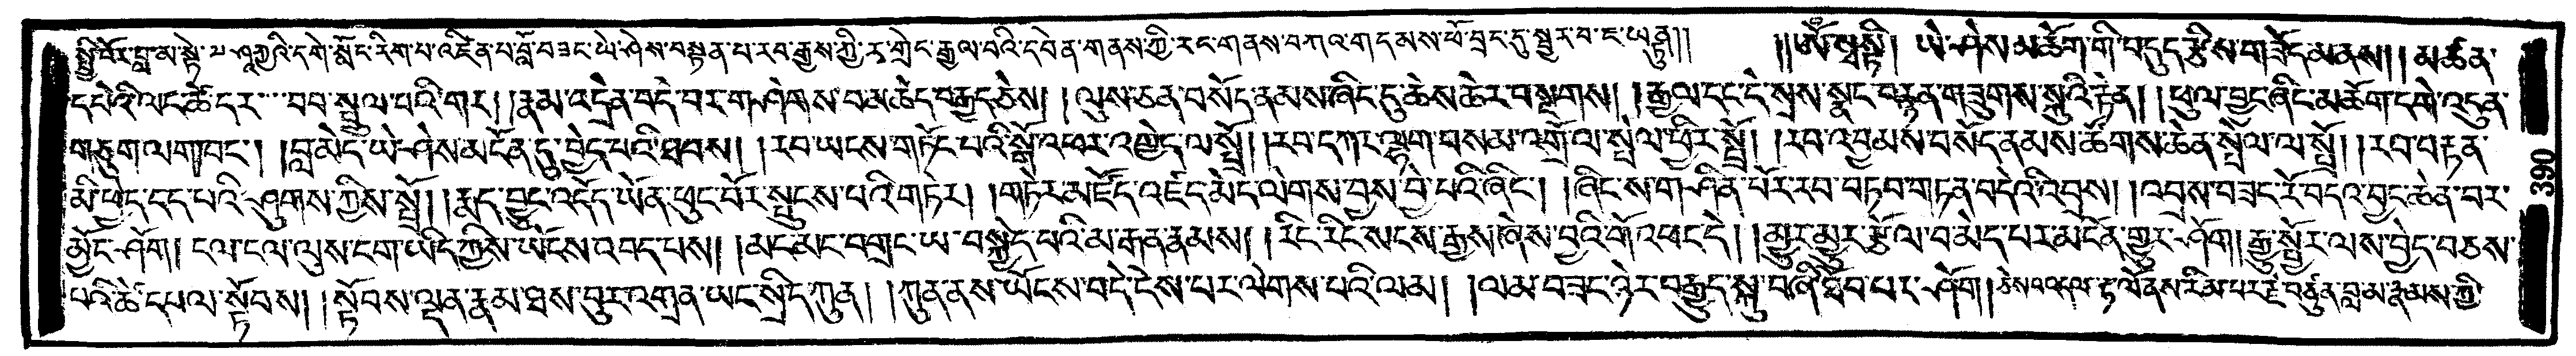སྤྱི་བོར་བླ་མ་སྟེ ༧ཤཱཀྱའི་དགེ་སློང་རིག་པ་འཛིན་པ་བློ་བཟང་ཡེ་ཤེས་བསྟན་པ་རབ་རྒྱས་ཀྱི་རྭ་གྲེང་རྒྱལ་བའི་དབེན་གནས་ཀྱི་རང་གནས་བཀའ་གདམས་ཕོ་བྲང་དུ་སྦྱར་བ་ཇ་ཡནྟུ།། །།ཨོཾ་སྭ་སྟི། ཡེ་ཤེས་མཆོག་གི་བདུད་རྩིས་གཟོད་མནས། །མཚན་
དཔེའི་ལང་ཚོ་དར་བབ་སྦྲུལ་བའི་གར། །རྣམ་འདྲེན་བདེ་བར་གཤེགས་བ་མཆེད་བརྒྱད་ཅེས། །ལུས་ཅན་བསོད་ནམས་ཞིང་དུ་ཆེས་ཆེར་བསྔགས། །རྒྱལ་དང་དེ་སྲས་སྣང་བརྙན་གཟུགས་སྐུའི་རྟེན། །ཕུལ་བྱུང་ཞིང་མཆོག་དགེ་འདུན་
གཙུག་ལག་ཁང་། །བླ་མེད་ཡེ་ཤེས་མངོན་དུ་བྱེད་པའི་ཐབས། །རབ་ཡངས་གཏོང་པའི་སྒོ་འཕར་འགྱེད་ལ་སྤྲོ། །རབ་དཀར་ལྷག་བསམ་འགྲོ་ལ་སྤེལ་ཕྱིར་སྤྲོ། །རབ་འབྱམས་བསོད་ནམས་ཚོགས་ཆེན་སྤེལ་ལ་སྤྲོ། །རབ་བརྟན་
མི་ཕྱེད་དད་པའི་ཤུགས་ཀྱིས་སྤྲོ། །རྨད་བྱུང་འདོད་ཡོན་ཕུང་པོར་སྤུངས་པའི་གཏེར། །གཏེར་མཛོད་འཛད་མེད་ལེགས་བྱས་བྱེ་པའི་ཞིང་། །ཞིང་གཤིན་པོར་རབ་བཏབ་གཏན་བདེའི་འབྲས། །འབྲས་བཟང་རོ་བདའ་བྱང་ཆེན་བར་
མྱོང་ཤོག །ངལ་ངལ་ལུས་ངག་ཡིད་ཀྱིས་ཡོངས་འབད་པས། །མང་མང་བགྲང་ཡ་བསྐྱེད་པའི་མ་རྒན་རྣམས། །རིང་རིང་སངས་རྒྱས་ཞེས་བྱའི་གོ་འཕང་དེ། །མྱུར་མྱུར་རྩོལ་བ་མེད་པར་མངོན་གྱུར་ཤོག །རྒྱུ་སྦྱོར་ལས་བྱེད་བཅས་
པའི་ཚེ་དཔལ་སྟོབས། །སྟོབས་ལྡན་རྣམ་ཐས་བུར་འགྲན་ཡང་སྲིད་ཀུན། །ཀུན་ནས་ཡོངས་བདེ་ངེས་པར་ལེགས་པའི་ལམ། །ལམ་བཟང་ཉེར་བརྒྱུད་སྐུ་བཞི་ཐོབ་པར་ཤོག །ཅེས་བ་འདལ་རྟ་ལོ་ནས་རིམ་པར་རྗེ་བཙུན་བླ་མ་རྣམས་ཀྱི་